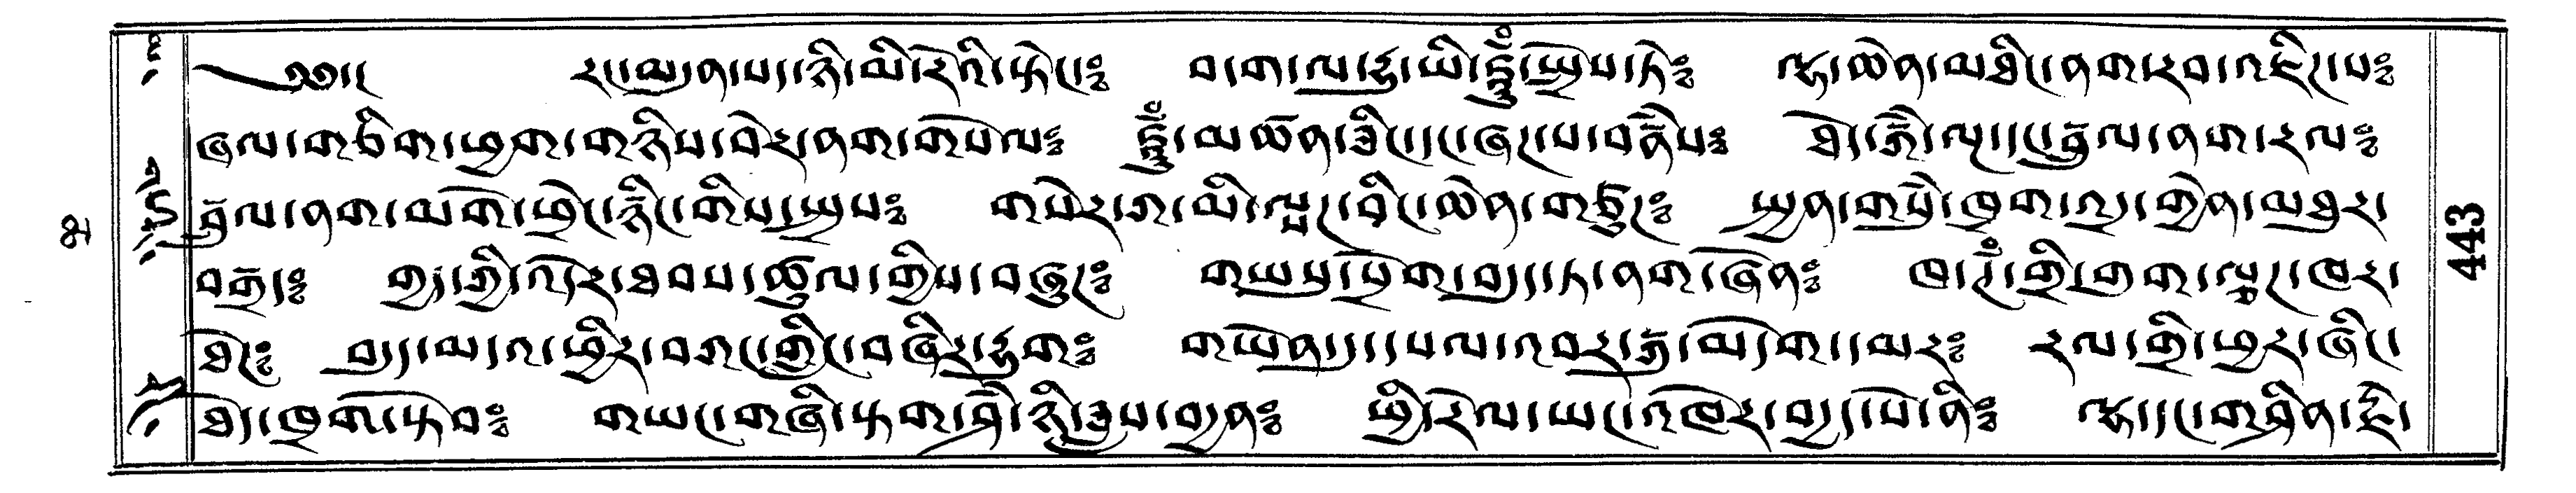རང་མདུན་པད་ཉི་མི་རོའི་སྟེང༔ བདག་ལས་རྒྱུ་ཡི་ཧཱུྃ་སྤྲོས་ཏེ༔ ལྷ་ཆེན་མཐིང་ནག་རབ་འཇིགས་པ༔ 
ཞལ་གཅིག་ཕྱག་གཉིས་བེར་ནག་གསོལ༔ ཧཱུྃ་མཚན་བིང་དང་ཞགས་པ་བསྣམས༔ ཐོད་སྐམ་ལྔ་དང་སྦྲུལ་ནག་རལ༔ 
སྦྲུལ་ནག་མགོ་ཕྲེང་སྙིང་གིས་སྤྲས༔ གསེར་ཀ་མི་ལྤགས་བིང་ཆེན་གཙུགས༔ སྤྱན་གསུམ་ཁྲག་འདྲ་གྱེན་མཐུར་
བསྒྲད༔ གྱད་ཀྱི་འདོར་ཐབས་ཚུལ་གྱིས་བཞུགས༔ གཡས་སུ་སྲོག་བདུད་རྟ་ནག་ཞོན༔ ཁ་ཊྃ་གྲི་གུག་ལྕགས་པར་
ཐོགས༔ བདུད་མདའ་ཕྱིར་བཀང་གླིང་བཞིར་རྒྱུག༔ གཡོན་དུ་དཔལ་འབར་སྐུ་མདོག་དམར༔ རལ་གྲི་ཕྱར་ཞིང་
ཐོད་ཁྲག་སྟོབ༔ གཡང་གཞི་སྟག་ཤམ་ཉི་ཟླས་བརྒྱན༔ ཕྱི་རོལ་ཡང་འཁོར་བརྒྱད་པོ་ནི༔ ལྷ་དང་གཤིན་རྗེ་